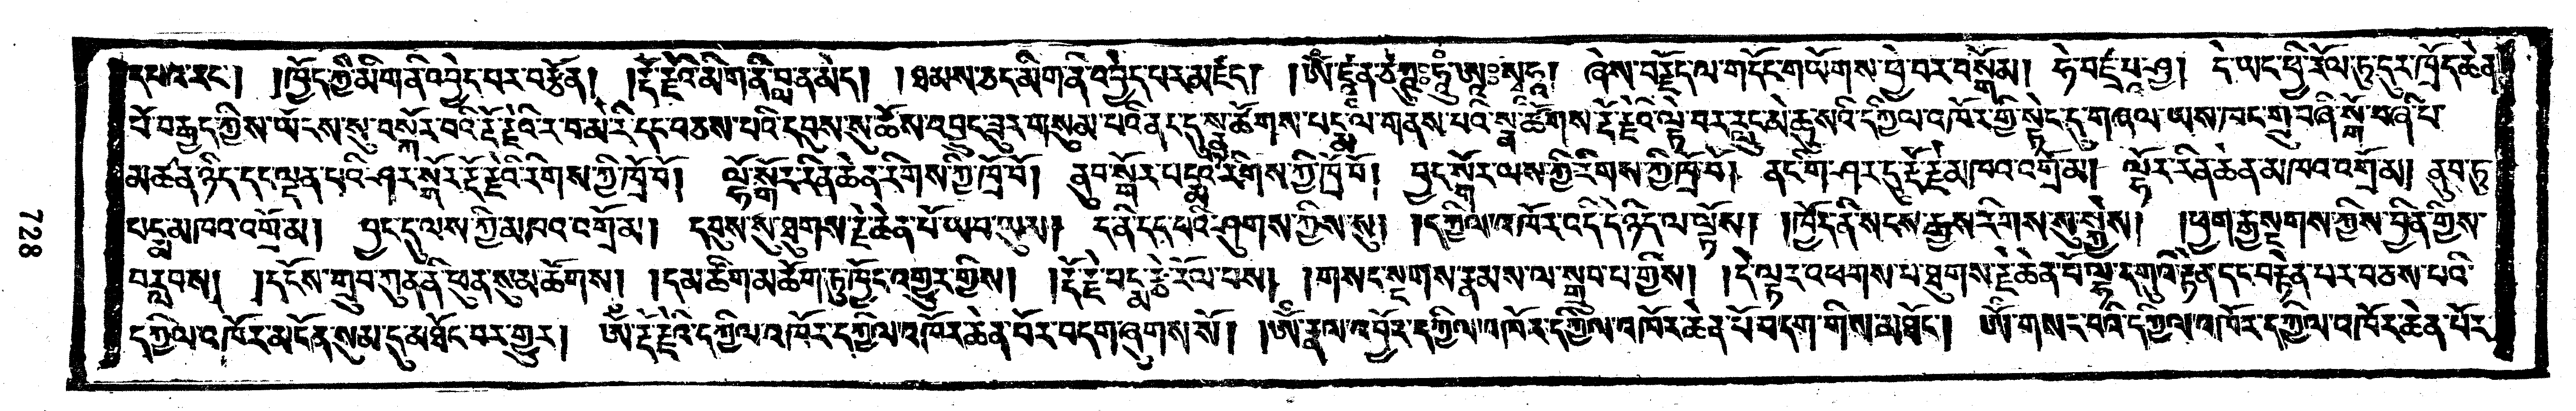དཔའ་རང་། །ཁྱོད་ཀྱི་མིག་ནི་འབྱེད་པར་བརྩོན། །རྡོ་རྗེའི་མིག་ནི་བླ་ན་མེད། །ཐམས་ཅད་མིག་ནི་འབྱེད་པར་མཛད། །ཨོཾ་ཛྣཱ་ན་ཙཀྵུཿཧཱུཾ་ཨཱཿསྭཱཧཱ། ཞེས་བརྗོད་ལ་གདོང་གཡོགས་ཕྱེ་བར་བསྒོམ། ཧེ་བཛྲ་པཱ་ཤྱ། དེ་ཡང་ཕྱི་རོལ་ཏུ་དུར་ཁྲོད་ཆེན་
བོ་བརྒྱད་ཀྱིས་ཡོངས་སུ་བསྐོར་བའི་རྡོ་རྗེའི་ར་བ་མེ་རི་དང་བཅས་པའི་དབུས་སུ་ཆོས་འབྱུང་ཟུར་གསུམ་པའི་ནང་དུ་སྣ་ཚོགས་པདམ་ལ་གནས་པའི་སྣ་ཚོགས་རྡོ་རྗེའི་ལྟེ་བར་རླུང་མེ་ཆུ་སའི་དཀྱིལ་འཁོར་གྱི་སྟེང་དུ་གཞལ་ཡས་ཁང་གྲུ་བཞི་སྒོ་བཞི་པ་
མཚན་ཉིད་དང་ལྡན་པའི་ཤར་སྒོར་རྡོ་རྗེའི་རིགས་ཀྱི་ཁྲོ་བོ། ལྷོ་སྒོར་རིན་ཆེན་རིགས་ཀྱི་ཁྲོ་བོ། ནུབ་སྒོར་པདམའི་རིགས་ཀྱི་ཁྲོ་བོ། བྱང་སྒོར་ལས་ཀྱི་རིགས་ཀྱི་ཁྲོ་བོ། ནང་གི་ཤར་དུ་རྡོ་རྗེ་མཁའ་འགྲོ་མ། ལྷོར་རིན་ཆེན་མཁའ་འགྲོ་མ། ནུབ་ཏུ་
པདམ་མཁའ་འགྲོ་མ། བྱང་དུ་ལས་ཀྱི་མཁའ་འགྲོ་མ། དབུས་སུ་ཐུགས་རྗེ་ཆེན་པོ་ཡབ་ཡུམ། ད་ནི་དད་པའི་ཤུགས་ཀྱིས་སུ། །དཀྱིལ་འཁོར་འདི་དེ་ཉིད་ལ་ལྟོས། །ཁྱོད་ནི་སངས་རྒྱས་རིགས་སུ་སྐྱེས། །ཕྱག་རྒྱ་སྔགས་ཀྱིས་བྱིན་གྱིས་
བརླབས། །དངོས་གྲུབ་ཀུན་ནི་ཕུན་སུམ་ཚོགས། །དམ་ཚིག་མཆོག་ཏུ་ཁྱོད་འགྱུར་གྱིས། །རྡོ་རྗེ་པདམ་རྩེ་རོལ་པས། །གསང་སྔགས་རྣམས་ལ་སྒྲུབ་པ་གྱིས། །དེ་ལྟར་འཕགས་པ་ཐུགས་རྗེ་ཆེན་པོ་ལྷ་དགུའི་རྟེན་དང་བརྟེན་པར་བཅས་པའི་
དཀྱིལ་འཁོར་མངོན་སུམ་དུ་མཐོང་བར་གྱུར། ཨོཾ་རྡོ་རྗེའི་དཀྱིལ་འཁོར་དཀྱིལ་འཁོར་ཆེན་པོར་བདག་ཞུགས་སོ། །ཨོཾ་རྣལ་འབྱོར་དཀྱིལ་འཁོར་དཀྱིལ་འཁོར་ཆེན་པོ་བདག་གིས་མཐོང་། ཨོཾ་གསང་བའི་དཀྱིལ་འཁོར་དཀྱིལ་འཁོར་ཆེན་པོར་